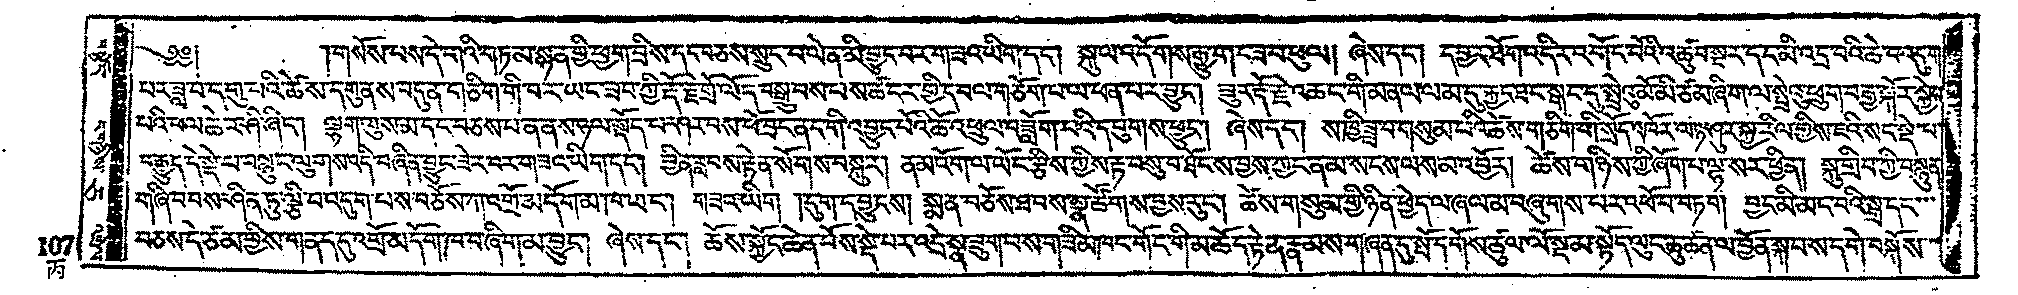༄༅། །གསོས་པས་དེ་གའི་གཏམ་སྙན་གྱི་ཕྱག་བྲིས་དང་བཅས་སྲུང་བ་ལེན་མི་བྱུང་བར་གཟའ་ཡིག་དང་། སྐུ་ལ་འདོགས་རྒྱུ་གང་ཟབ་ཕུལ། ཞེས་དང་། དབྱར་ཐོག་འདིར་འགོང་པོའི་འཚུབ་སྔར་དང་མི་འདྲ་བའི་ཆེ་བ་འདུག་
པར་ཟླ་བ་དགུ་པའི་ཚེས་དགུ་ནས་བདུན་གཅིག་གི་བར་ཡང་ཟབ་ཀྱི་རྡོ་རྗེ་གྲོ་ལོད་བསྒྲུབས་པས་ཚ་ངར་གྱི་དབལ་གཅོག་པ་ལ་ཕན་པར་བྱུང་། ཟུར་རྡོ་རྗེ་འཆང་གི་མནལ་ལམ་དུ་རྐྱང་ཐང་སྒང་དུ་སྤྲེའུ་མོ་མི་ཙམ་ཞིག་ལ་སྤྲེའུ་ཕྲུག་བརྒྱ་སྐོར་སྐྱེས་
པའི་ཕལ་ཆེར་ཤི་ཞིང་། ལྷག་ལུས་མ་དང་བཅས་པ་ན་ནས་ཉལ་སྡོད་པ་ཤར་བས་ཕོ་བྲང་ནང་གི་འབྱུང་པོའི་ཆོ་འཕྲུལ་བཟློག་པའི་དབུགས་ཕྱུང་། ཞེས་དང་། ས་ཁྱི་ཟླ་བ་གསུམ་པའི་ཚེས་གཅིག་གི་སྲོད་འཁོར་ལ་ཉ་ཤུར་སྐྱ་རིལ་གྱིས་ཇའི་སང་སྡེ་པ་
བརྒྱུད་དེ་སྡེ་པ་བསྙུང་ལུགས་འདི་བཞིན་བྱུང་ཟེར་བར་གཟའ་ཡིག་དང་། བྱིན་རླབས་རྟེན་སོགས་བསྐུར། ནམ་འོག་ལ་ཡོང་རྩིས་ཀྱིས་རྟ་བསུ་བ་ཐོངས་བྱས་ཀྱང་ནམ་སངས་ལས་མ་འབྱོར། ཚེས་གཉིས་ཀྱི་ཞོག་པ་ལྷ་སར་ཕྱིན། སྐུ་གྲིབ་ཀྱི་བསྙུན་
གཞི་བབས་ཤིན་ཏུ་ལྕི་བ་འདུག་པས་བཅོས་ཀ་འགྲོ་མདོག་མ་ཁ་ཡང་། གཟའ་ཡིག །དུག་དབྱུངས། སྨན་བཅོས་ཐབས་སྣ་ཚོགས་བྱས་རུང་། ཚེས་གསུམ་གྱི་ཉིན་ཕྱེད་ལ་ཞལ་མ་བཞུགས་པར་འཕོ་བ་བཏབ། བྱང་མི་མང་བའི་སྒྲ་དང་
བཅས་དེ་ཙམ་གྱིས་གནད་དུ་འགྲོ་མདོག་ཁ་བ་ཞིག་མ་བྱུང་། ཞེས་དང་། ཆོས་སྐྱོང་ཆེན་པོས་སྡེ་བར་འདྲེ་སྣ་ཟུག་པས་གཟིམ་ཁང་གོང་གི་མཆོད་རྟེན་རྣམས་གཞན་དུ་སྤོ་དགོས་ཚུལ་ལོ་སྔ་མ་སྟོད་ལུང་ཆུ་ཚན་ལ་བྱོན་སྐབས་དགེ་བསྐོས་